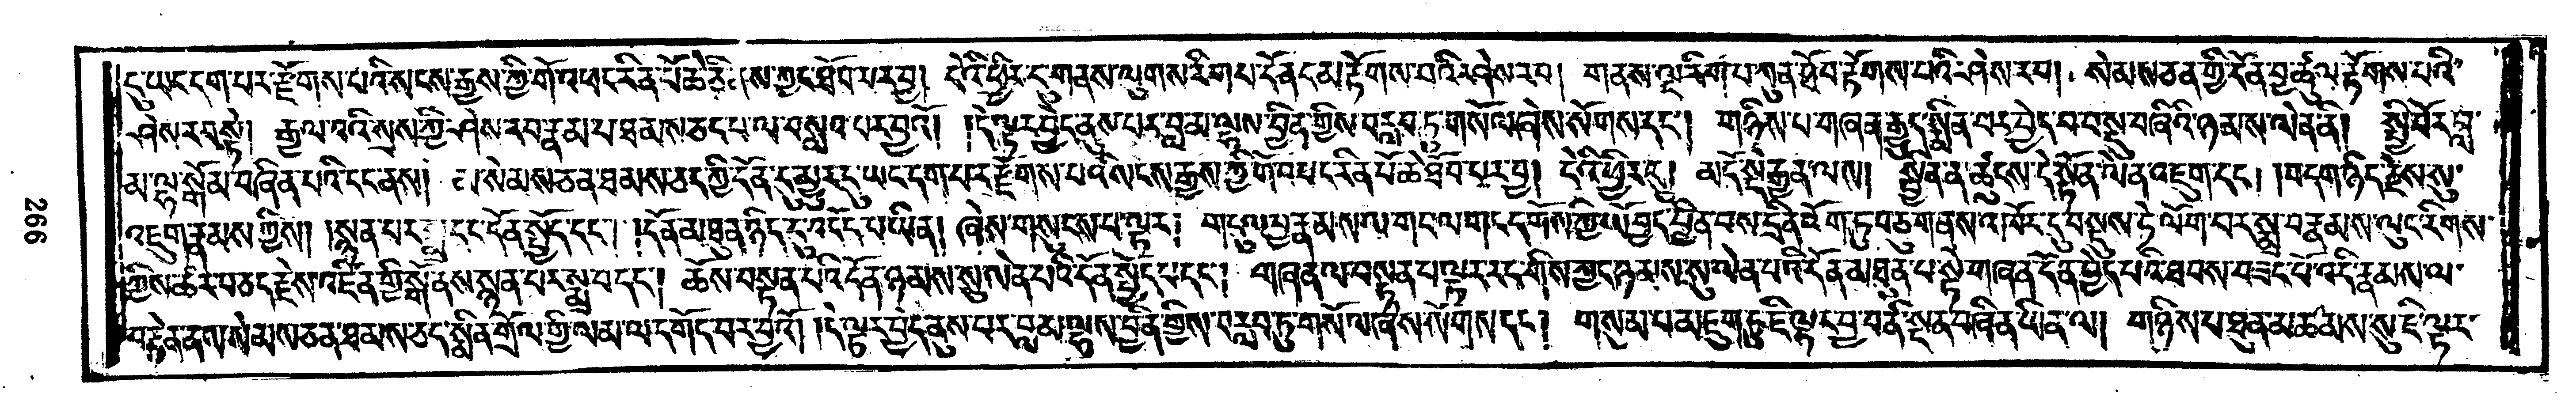དུ་ཡང་དག་པར་རྫོགས་པའི་སངས་རྒྱས་ཀྱི་གོ་འཕང་རིན་པོ་ཆེ་ཅི་ནས་ཀྱང་ཐོབ་པར་བྱ། དེའི་ཕྱིར་དུ་གནས་ལུགས་རིག་པ་དོན་དམ་རྟོགས་བའི་ཤེས་རབ། གནས་ལྔ་རིག་པ་ཀུན་ཐོབ་རྟོགས་པའི་ཤེས་རབ། སེམས་ཅན་གྱི་དོན་བྱ་ཚུལ་རྟོགས་པའི་
ཤེས་རབ་སྟེ། རྒྱལ་བའི་སྲས་ཀྱི་ཤེས་རབ་རྣམ་པ་ཐམས་ཅད་པ་ལ་བསླབ་པར་བྱའོ། །དེ་ལྟར་བྱེད་ནུས་པར་བླ་མ་ལྷས་བྱིན་གྱིས་བརླབ་ཏུ་གསོལ་ཞེས་སོགས་དང་། གཉིས་པ་གཞན་རྒྱུད་སྨིན་བར་བྱེད་བ་བསྡུ་བཞིའི་ཉམས་ལེན་ནི། སྤྱི་བོར་བླ་
མ་ལྷ་སྒོམ་བཞིན་པའི་ངང་ནས། མ་སེམས་ཅན་ཐམས་ཅད་ཀྱི་དོན་དུ་མྱུར་དུ་ཡང་དག་པར་རྫོགས་པའི་སངས་རྒྱས་ཀྱི་གོ་འཕང་རིན་པོ་ཆེ་ཐོབ་པར་བྱ། དེའི་ཕྱིར་རུ། མདོ་སྡེ་རྒྱན་ལས། སྦྱིན་ན་ཚུངས་དེ་སྟོན་ལེན་འཇུག་དང་། །བདག་ཉིད་རྗེས་སུ་
འཇུག་རྣམས་ཀྱིས། །སྙན་པར་སྨྲ་དང་དོན་སྤྱོད་དང་། །དོན་མཐུན་ཉིད་དུ་འདོད་པ་ཡིན། ཞེས་གསུངས་པ་ལྟར༑ གདུལ་བྱ་རྣམས་ལ་གང་ལ་གང་དགོས་ཀྱི་ཡོ་བྱད་བྱིན་བས་དྲིན་འོག་ཏུ་བཅུ་གནས་འཁོར་དུ་བསྡུས་ཏེ་ལོག་བར་སྨྲ་བ་རྣམས་ལུང་རིགས་
ཀྱིས་ཚར་བཅད་རྗེས་འཛིན་གྱི་སྒོ་ནས་སྙན་པར་སྨྲ་བ་དང་། ཆོས་བསྟན་པའི་དོན་ཉམས་སུ་ལེན་པའི་དོན་སྤྱོད་པ་དང་། གཞན་ལ་བསྟན་པ་ལྟར་རང་གིས་ཀྱང་ཉམས་སུ་ལེན་པའི་དོན་མཐུན་པ་སྟེ་གཞན་དོན་བྱེད་པའི་ཐབས་བཟང་པོ་འདི་རྣམས་ལ་
བརྟེན་ནས་སེམས་ཅན་ཐམས་ཅད་སྨིན་གྲོལ་གྱི་ལམ་ལ་དགོད་བར་བྱའོ། །དེ་ལྟར་བྱེད་ནུས་བར་བླ་མ་ལྷས་བྱིན་གྱིས་བརླབ་ཏུ་གསོལ་ཞེས་སོགས་དང་། གསུམ་པ་མཇུག་ཏུ་ཇི་ལྟར་བྱ་བ་ནི་སྔན་བཞིན་ཡིན་ལ། གཉིས་པ་ཐུན་མཚམས་སུ་ཇི་ལྟར་